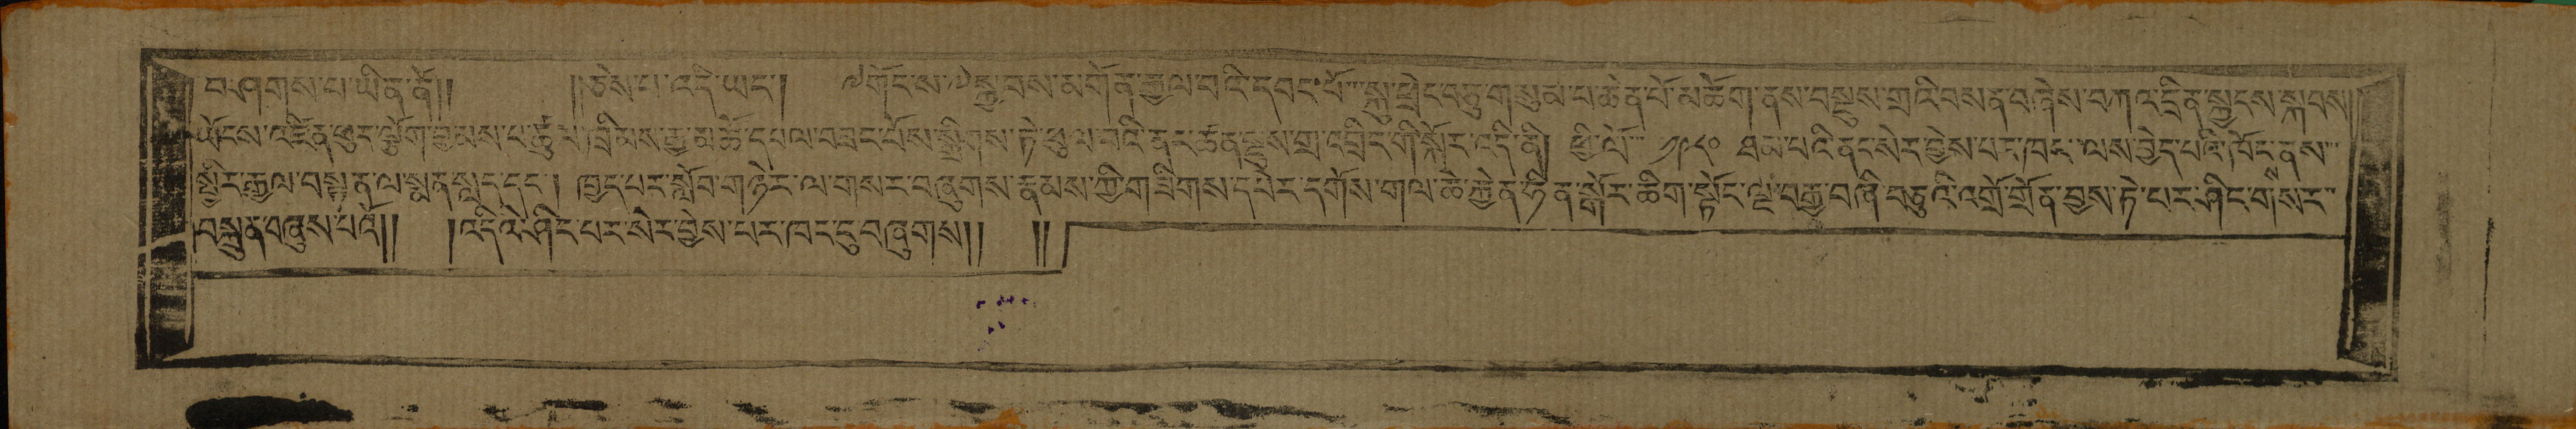བཤགས་པ་ཡིན་ནོ།། །།ཅེས་པ་འདི་ཡང་། ༧་གོང་ས་༧་སྐྱབས་མགོན་རྒྱལ་བའི་དབང་པོ་སྐུ་ཕྲེང་བཅུ་གསུམ་པ་ཆེན་པོ་མཆོག་ནས་བསྡུས་གྲའི་བསན་བཞེས་བཀའ་དྲིན་སྐྱངས་སྐབས་
ཡོངས་འཛིན་ཕུར་ལྕོག་བྱམས་པ་ཚུལ་ཁྲིམས་རྒྱ་མཚོ་དཔལ་བཟང་པོས་སྒྲིགས་ཏེ་ཕུལ་བའི་ནང་ཚན་སྡུས་གྲ་འབྲིང་གི་སྐོར་འདི་ནི། ཕྱི་ལོ ༡༩༨༠་ཐམ་པའི་ནང་སེར་བྱེས་པར་ཁང་ལས་བྱེད་པའི་ཁོངས་ནས་
སྤྱིར་རྒྱལ་བསྟན་ལ་སྨན་སླད་དང་། ཁྱད་པར་སློབ་གཉེར་ལ་གསར་བཞུགས་རྣམས་ཀྱི་གཟིགས་དཔེར་དགོས་གལ་ཆེ་རྐྱེན་ཧིན་སྒོར་ཆིག་སྟོང་ལྔ་བརྒྱ་བཞི་བཅུའི་འགྲོ་གྲོན་བྱས་ཏེ་པར་ཤིང་གསར་
བསྐྲུན་བཞུས་པའོ།། །འདིའི་ཤིང་པར་སེར་བྱེས་པར་ཁང་དུ་བཞུགས།། །།